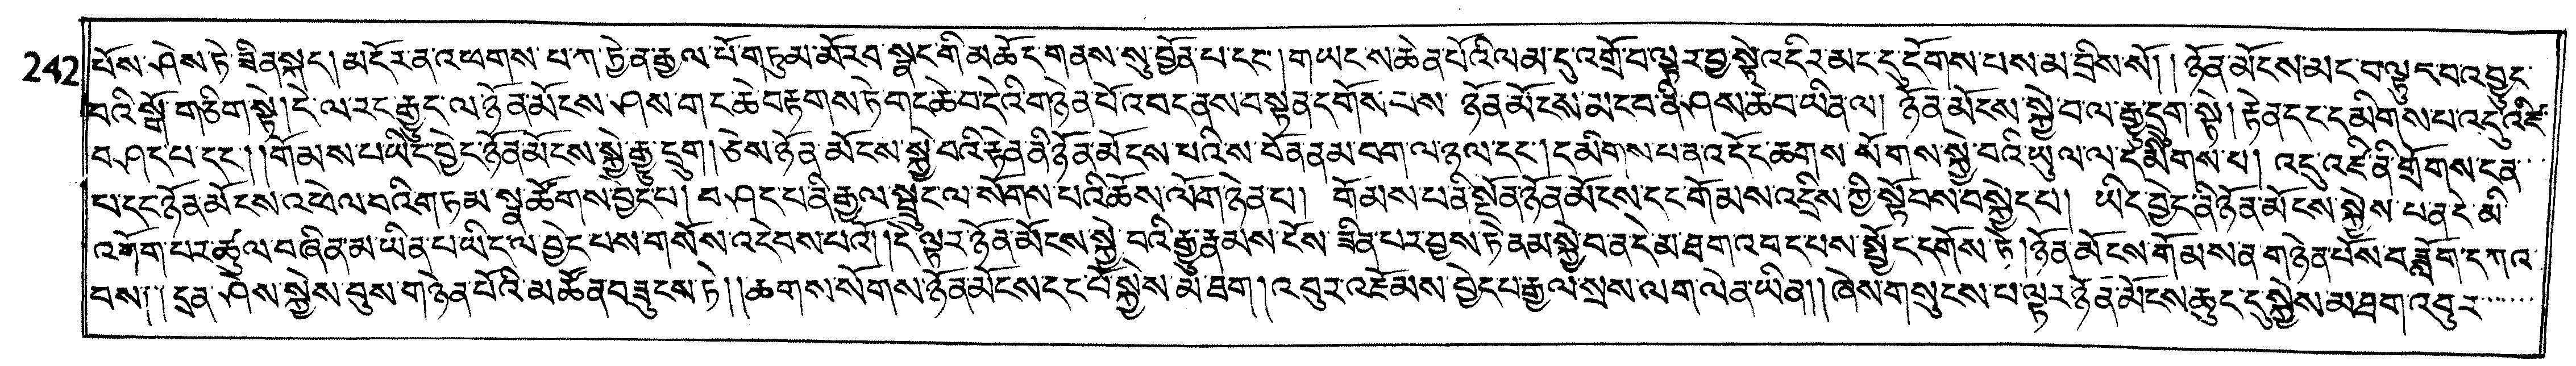པོས་ཤེས་ཏེ་ཟིན་སྐད། མདོར་ན་འཕགས་པ་ཀ་ཏྱེ་ན་རྒྱལ་པོ་གཏུམ་མོ་རབ་སྣང་གི་མཆོད་གནས་སུ་བྱོན་པ་དང་། གཡང་ས་ཆེན་པོའི་ལམ་དུ་འགྲོ་བ་ལྟར་བྱ་སྟེ་འདིར་མང་དུ་དོགས་པས་མ་བྲིས་སོ། །ཉོན་མོངས་མང་བ་ལྟུང་བ་འབྱུང་
བའི་སྒོ་གཅིག་སྟེ། དེ་ལ་རང་རྒྱུད་ལ་ཉོན་མོངས་ཤས་གང་ཆེ་བརྟགས་ཏེ་གང་ཆེ་བ་དེའི་གཉེན་པོ་འབད་ནས་བསྟན་དགོས་པས་ཉོན་མོངས་མང་བ་ནི་ཤས་ཆེ་བ་ཡིན་ལ། ཉོན་མོངས་སྐྱེ་བ་ལ་རྒྱུ་དྲུག་སྟེ། རྟེན་དང་དམིགས་པ་འདུ་འཛི་
བཤད་པ་དང་། །གོམས་པ་ཡིད་བྱེད་ཉོན་མོངས་སྐྱེ་རྒྱུ་དྲུག །ཅེས་ཉོན་མོངས་སྐྱེ་བའི་རྟེན་ནི་ཉོན་མོངས་པའི་ས་བོན་ནམ་བག་ལ་ཉལ་དང་། དམིགས་པ་ན་འདོད་ཆགས་སོགས་སྐྱེ་བའི་ཡུལ་ལ་དམིགས་པ། འདུ་འཛི་ནི་གྲོགས་ངན་
པ་དང་ཉོན་མོངས་འཕེལ་བའི་གཏམ་སྣ་ཚོགས་བྱེད་པ། བཤད་པ་ནི་རྒྱལ་སྦྲུང་ལ་སོགས་པའི་ཆོས་ལོག་ཉེན་པ། གོམས་པ་ནི་སྔོན་ཉོན་མོངས་དང་གོམས་འདྲིས་ཀྱི་སྟོབས་བསྐྱེད་པ། ཡིད་བྱེད་ནི་ཉོན་མོངས་སྐྱེས་པ་ན་དེ་མི་
འགོག་པར་ཚུལ་བཞིན་མ་ཡིན་པ་ཡིད་ལ་བྱེད་པས་གསོས་འདེབས་པའོ། །དེ་ལྟར་ཉོན་མོངས་སྐྱེ་བའི་རྒྱུ་རྣམས་ངོས་ཟིན་པར་བྱས་ཏེ་ནམ་སྐྱེ་བ་ན་དེ་མ་ཐག་འབད་པས་སྤྱོད་དགོས་ཏེ། ཉོན་མོངས་གོམས་ན་གཉེན་པོས་བཟློག་དཀའ་
བས༑ ༑དྲན་ཤེས་སྐྱེས་བུས་གཉེན་པོའི་མཚོན་བཟུངས་ཏེ། །ཆགས་སོགས་ཉོན་མོངས་དང་པོ་སྐྱེས་མ་ཐག །འབུར་འཇོམས་བྱེད་པ་རྒྱལ་སྲས་ལག་ལེན་ཡིན། །ཞེས་གསུངས་པ་ལྟར་ཉོན་མོངས་ཆུང་དུ་སྐྱེས་མ་ཐག་འབུར་